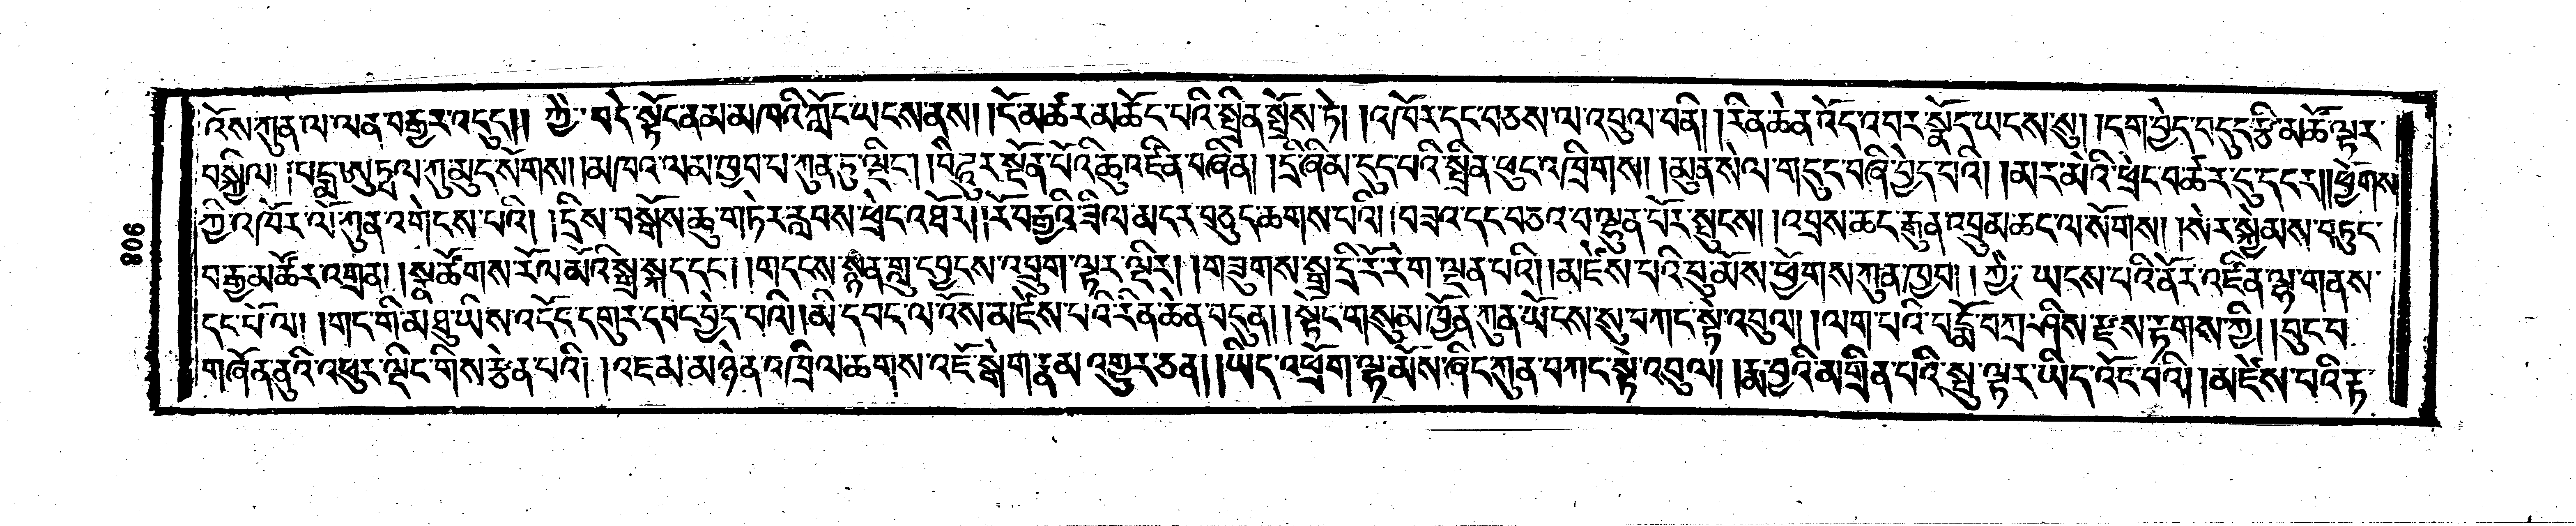འོས་ཀུན་ལ་ལན་བརྒྱར་འདུད། །ཀྱཻ། བདེ་སྟོང་ནམ་མཁའི་ཀློང་ཡངས་ནས། །ངོ་མཚར་མཆོད་པའི་སྤྲིན་སྤྲོས་ཏེ། །འཁོར་དང་བཅས་ལ་འབུལ་བ་ནི། །རིན་ཆེན་འོད་འབར་སྣོད་ཡངས་སུ། །དག་བྱེད་བདུད་རྩི་མཚོ་ལྟར་
བསྐྱིལ། །པདམ་ཨུཏྤལ་ཀུ་མུད་སོགས། །མཁའ་ལམ་ཁྱབ་པ་ཀུན་ཏུ་ལྡིང་། །བཻཌཱུར་སྔོན་པོའི་ཆུ་འཛིན་བཞིན། །དྲི་ཞིམ་དུད་པའི་སྤྲིན་ཕུང་འཁྲིགས། །མུན་སེལ་གདུང་བ་ཞི་བྱེད་པའི། །མར་མེའི་ཕྲེང་བ་ཚར་དུ་དངར། །ཕྱོགས་
ཀྱི་འཁོར་ལོ་ཀུན་འགེངས་པའི། །དྲིས་བསྒོས་ཆུ་གཏེར་སླབས་ཕྲེང་འཐོར། །རོ་བརྒྱའི་ཟིལ་མངར་བཅུད་ཆགས་པའི། །བཟའ་དང་བཅའ་བ་ལྷུན་པོར་སྤུངས། །འབྲས་ཆང་རྒུན་འབྲུམ་ཆང་ལ་སོགས། །སེར་སྐྱེམས་བཏུང་
བ་རྒྱ་མཚོར་འགྲན། །སྣ་ཚོགས་རོལ་མོའི་སྒྲ་སྐད་དང་། །གདངས་སྙན་གླུ་དབྱངས་འབྲུག་ལྟར་ལྡིར། །གཟུགས་སྒྲ་དྲི་རོ་རེག་ལྡན་པའི། །མཛེས་པའི་བུ་མོས་ཕྱོགས་ཀུན་ཁྱབ། །ཀྱཻ། ཡངས་པའི་ནོར་འཛིན་ལྷ་གནས་
དང་པོ་ལ། །གང་གི་མཐུ་ཡིས་འདོད་དགུར་དབང་བྱེད་པའི། །མི་དབང་ལ་འོས་མཛེས་པའི་རིན་ཆེན་བདུན། །སྟོང་གསུམ་ཁྱོན་ཀུན་ཡོངས་སུ་བཀང་སྟེ་འབུལ། །ལག་པའི་པདམོ་བཀྲ་ཤིས་རྫས་རྟགས་ཀྱི། །བུང་བ་
གཞོན་ནུའི་འཕུར་ལྡིང་གིས་རྩེན་པའི། །འཇམ་མཉེན་འཁྲིལ་ཆགས་འཇོ་སྒེག་རྣམ་འགྱུར་ཅན། །ཡིད་འཕྲོག་ལྷ་མོས་ཞིང་ཀུན་བཀང་སྟེ་འབུལ། །རྨ་བྱའི་མགྲིན་པའི་སྤུ་ལྟར་ཡིད་འོང་བའི། །མཛེས་པའི་རྟ་